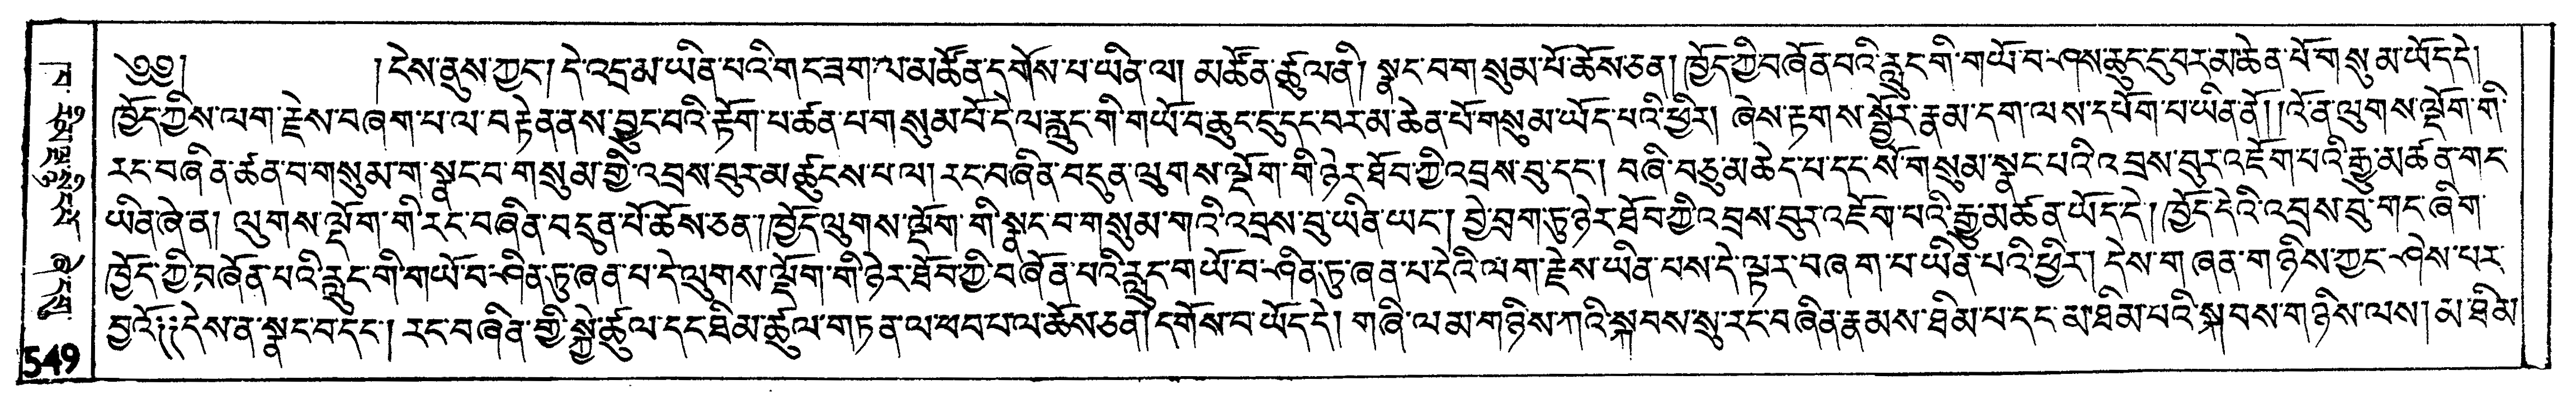༄༅། །ངེས་ནུས་ཀྱང་། དེ་འདྲ་མ་ཡིན་པའི་གང་ཟག་ལ་མཚོན་དགོས་པ་ཡིན་ལ། མཚོན་ཚུལ་ནི། སྣང་བ་གསུམ་པོ་ཆོས་ཅན། ཁྱོད་ཀྱི་བཞོན་པའི་རླུང་གི་གཡོ་བ་ཤས་ཆུང་ངུ་བར་མ་ཆེན་པོ་གསུམ་ཡོད་དེ།
ཁྱོད་ཀྱིས་ལག་རྗེས་བཞག་པ་ལ་བརྟེན་ནས་བྱུང་བའི་རྟོག་པ་ཚན་པ་གསུམ་པོ་དེ་ལ་རླུང་གི་གཡོ་བ་ཆུང་ངུ་དང་བར་མ་ཆེན་པོ་གསུམ་ཡོད་པའི་ཕྱིར། ཞེས་རྟགས་སྦྱོར་རྣམ་དག་ལས་དཔོག་པ་ཡིན་ནོ། །འོ་ན་ལུགས་ལྡོག་གི་
རང་བཞིན་ཚན་པ་གསུམ་ག་སྣང་བ་གསུམ་གྱི་འབྲས་བུར་མཚུངས་པ་ལ། རང་བཞིན་བདུན་ལུགས་ལྡོག་གི་ཉེར་ཐོབ་ཀྱི་འབྲས་བུ་དང་། བཞི་བཅུ་མཆེད་པ་དང་སོ་གསུམ་སྣང་པའི་འབྲས་བུར་འཇོག་པའི་རྒྱུ་མཚན་གང་
ཡིན་ཞེ་ན། ལུགས་ལྡོག་གི་རང་བཞིན་བདུན་པོ་ཆོས་ཅན། ཁྱོད་ལུགས་ལྡོག་གི་སྣང་བ་གསུམ་གའི་འབྲས་བུ་ཡིན་ཡང་། བྱེ་བྲག་ཏུ་ཉེར་ཐོབ་ཀྱི་འབྲས་བུར་འཇོག་པའི་རྒྱུ་མཚན་ཡོད་དེ། ཁྱོད་དེའི་འབྲས་བུ་གང་ཞིག་
ཁྱོད་ཀྱི་བཞོན་པའི་རླུང་གི་གཡོ་བ་ཤིན་ཏུ་ཞན་པ་དེ་ལུགས་ལྡོག་གི་ཉེར་ཐོབ་ཀྱི་བཞོན་པའི་རླུང་གཡོ་བ་ཤིན་ཏུ་ཞན་པ་དེའི་ལག་རྗེས་ཡིན་པས་དེ་ལྟར་བཞག་པ་ཡིན་པའི་ཕྱིར། དེས་གཞན་གཉིས་ཀྱང་ཤེས་པར་
བྱའོ༑ ༑དེས་ན་སྣང་བ་དང་། རང་བཞིན་གྱི་སྐྱེ་ཚུལ་དང་ཐིམ་ཚུལ་གཏན་ལ་ཕབ་པ་ལ་ཆོས་ཅན། དགོས་པ་ཡོད་དེ། གཞི་ལམ་གཉིས་ཀའི་སྐབས་སུ་རང་བཞིན་རྣམས་ཐིམ་པ་དང་མ་ཐིམ་པའི་སྐབས་གཉིས་ལས། མ་ཐིམ་